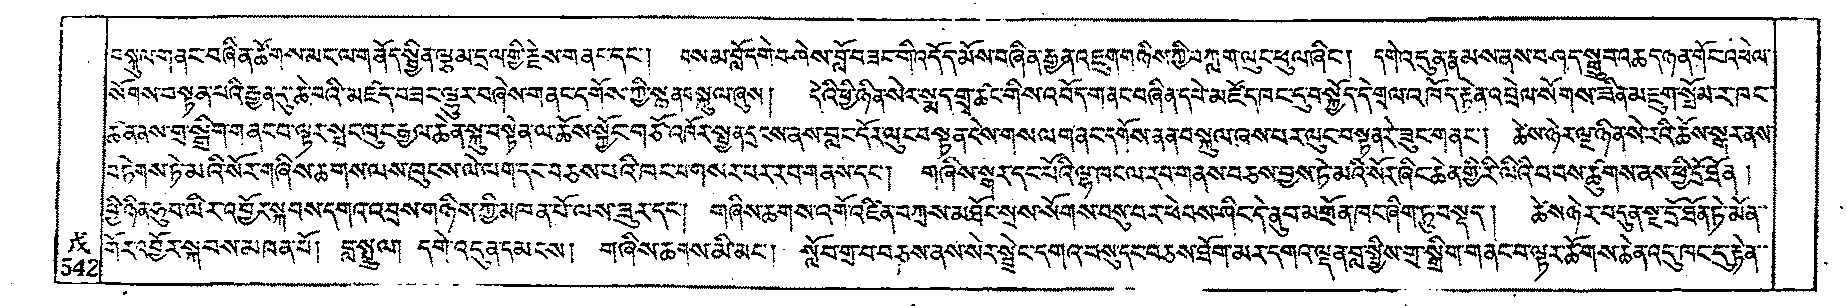བསྐུལ་གནང་བཞིན་ཚོགས་མང་ལ་གནོད་སྦྱིན་ལྕམ་དྲལ་གྱི་རྗེས་གནང་དང་། བསམ་བློ་དགེ་བཤེས་བློ་བཟང་གི་འདོད་མོས་བཞིན་རྒྱན་འཇུག་གཉིས་ཀྱི་བཀླག་ལུང་ཕུལ་ཞིང་། དགེ་འདུན་རྣམས་ནས་བཤད་སྒྲུབ་འཆད་ཉན་གོང་འཕེལ་
སོགས་བསྟན་པའི་རྒྱན་དུ་ཆེ་བའི་མཛད་བཟང་ལྷུར་བཞེས་གནང་དགོས་ཀྱི་སྙན་བསྐུལ་ཞུས། དེའི་ཕྱི་ཉིན་སེར་སྨད་གྲྭ་ཚང་གིས་འབོད་གནང་བཞིན་དཔེ་མཛོད་ཁང་དུ་བསྐྱོད་དེ་གྲལ་འཁོད་རྟེན་འབྲེལ་སོགས་ཟིན་མཇུག་སྤོམ་ར་ཁང་
ཚན་ནས་གྲ་སྒྲིག་གནང་བ་ལྟར་སྤང་ལུང་རྒྱལ་ཆེན་སྐུ་བསྟེན་ལ་ཆོས་སྐྱོང་གཙོ་འཁོར་སྤྱན་དྲངས་ནས་བླང་དོར་ལུང་བསྟན་ངེས་གསལ་གནང་དགོས་ནན་བསྐུལ་ཞས་པར་ལུང་བསྟན་རེ་ཟུང་གནང་། ཚེས་ཉེར་ལྔ་ཉིན་སེ་རའི་ཆོས་སྒར་ནས་
བཏེགས་ཏེ་མའི་སོར་གཞིས་ཆགས་ལས་ཁུངས་ལེ་ལག་དང་བཅས་པའི་ཁང་པ་གསར་པར་རབ་གནས་དང་། གཞིས་སྒར་དང་པོའི་ལྷ་ཁང་ལ་རབ་གནས་བཅས་བྱས་ཏེ་མའི་སོར་ཞིང་ཆེན་གྱི་རི་ལིའི་བབས་ཚུགས་ནས་ཕྱི་དྲོ་ཐོན།
ཕྱི་ཉིན་ཧུབ་ལིར་འབྱོར་སྐབས་དགའ་འབྲས་གཉིས་ཀྱི་མཁན་པོ་ལས་ཟུར་དང་། གཞིས་ཆགས་འགོ་འཛིན་བཀྲས་མཐོང་སྲས་སོགས་བསུ་བར་ཕེབས་ཤིང་དེ་ནུབ་མགྲོན་ཁང་ཞིག་ཏུ་བསྡད། ཚེས་ཉེར་བདུན་སྔ་དྲོ་ཐོན་ཏེ་མོན་
གོར་འབྱོར་སྐབས་མཁན་པོ། བླ་སྤྲུལ། དགེ་འདུན་དམངས། གཞིས་ཆགས་མི་མང་། སློབ་གྲ་བ་བཅས་ནས་སེར་སྦྲེང་དགའ་བསུ་དང་བཅས་ཐོག་མར་དགའ་ལྡན་བླ་སྤྱིས་གྲ་སྒྲིག་གནང་བ་ལྟར་ཚོགས་ཆེན་འདུ་ཁང་དུ་རྟེན་